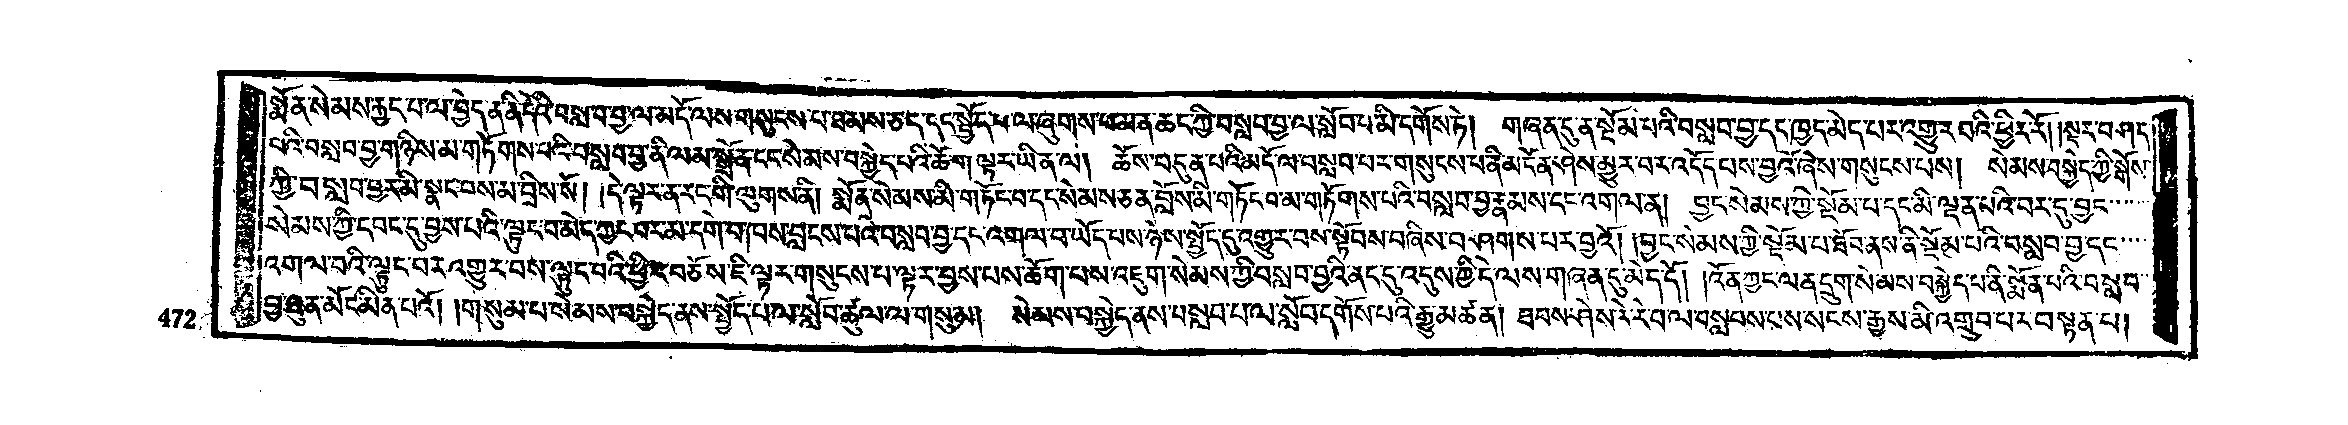སྨོན་སེམས་རྐྱང་པ་ལ་བྱེད་ན་ནི་དེའི་བསླབ་བྱ་ལ་མདོ་ལས་གསུངས་པ་ཐམས་ཅད་དང་སྤྱོད་པ་ལ་ཞུགས་པ་མན་ཆད་ཀྱི་བསླབ་བྱ་ལ་སློབ་པ་མི་དགོས་ཏེ། གཞན་དུ་ན་སྡོམ་པའི་བསླབ་བྱ་དང་ཁྱད་མེད་པར་འགྱུར་བའི་ཕྱིར་རོ། །སྔར་བཤད་
པའི་བསླབ་བྱ་གཉིས་མ་གཏོགས་པའི་བསླབ་བྱ་ནི་ལམ་སྒྲོན་དང་སེམས་བསྐྱེད་པའི་ཆོ་ག་ལྟར་ཡིན་ལ། ཆོས་བདུན་པའི་མདོ་ལ་བསླབ་པར་གསུངས་པ་ནི་མངོན་ཤེས་མྱུར་བར་འདོད་པས་བྱའོ་ཞེས་གསུངས་པས། སེམས་བསྐྱེད་ཀྱི་སྒོས་
ཀྱི་བསླབ་བྱར་མི་སྣང་བས་མ་བྲིས་སོ། །དེ་ལྟར་ན་རང་གི་ལུགས་ནི། སྨོན་སེམས་མི་གཏོང་བ་དང་སེམས་ཅན་བློས་མི་གཏོང་བ་མ་གཏོགས་པའི་བསླབ་བྱ་རྣམས་དང་འགལ་ན། བྱང་སེམས་ཀྱི་སྡོམ་པ་དང་མི་ལྡན་པའི་བར་དུ་བྱང་
སེམས་ཀྱི་དབང་དུ་བྱས་པའི་ལྟུང་བ་མེད་ཀྱང་བར་མ་དགེ་བ་ཁས་བླངས་པའི་བསླབ་བྱ་དང་འགལ་བ་ཡོད་པས་ཉེས་སྤྱོད་དུ་འགྱུར་བས་སྟོབས་བཞིས་བཤགས་པར་བྱའོ། །བྱང་སེམས་ཀྱི་སྡོམ་པ་ཐོབ་ནས་ནི་སྡོམ་པའི་བསླབ་བྱ་དང་
འགལ་བའི་ལྟུང་བར་འགྱུར་བས་ལྟུང་བའི་ཕྱིར་བཅོས་ཇི་ལྟར་གསུངས་པ་ལྟར་བྱས་པས་ཆོག་པས་འཇུག་སེམས་ཀྱི་བསླབ་བྱའི་ནང་དུ་འདུས་ཀྱི་དེ་ལས་གཞན་དུ་མེད་དོ། །འོན་ཀྱང་ལན་དྲུག་སེམས་བསྐྱེད་པ་ནི་སྨོན་པའི་བསླབ་
བྱ་ཐུན་མོང་མིན་པའོ། །གསུམ་པ་སེམས་བསྐྱེད་ནས་སྤྱོད་པ་ལ་སློབ་ཚུལ་ལ་གསུམ། སེམས་བསྐྱེད་ནས་བསླབ་པ་ལ་སློབ་དགོས་པའི་རྒྱུ་མཚན། ཐབས་ཤེས་རེ་རེ་བ་ལ་བསླབས་པས་སངས་རྒྱས་མི་འགྲུབ་པར་བསྟན་པ།